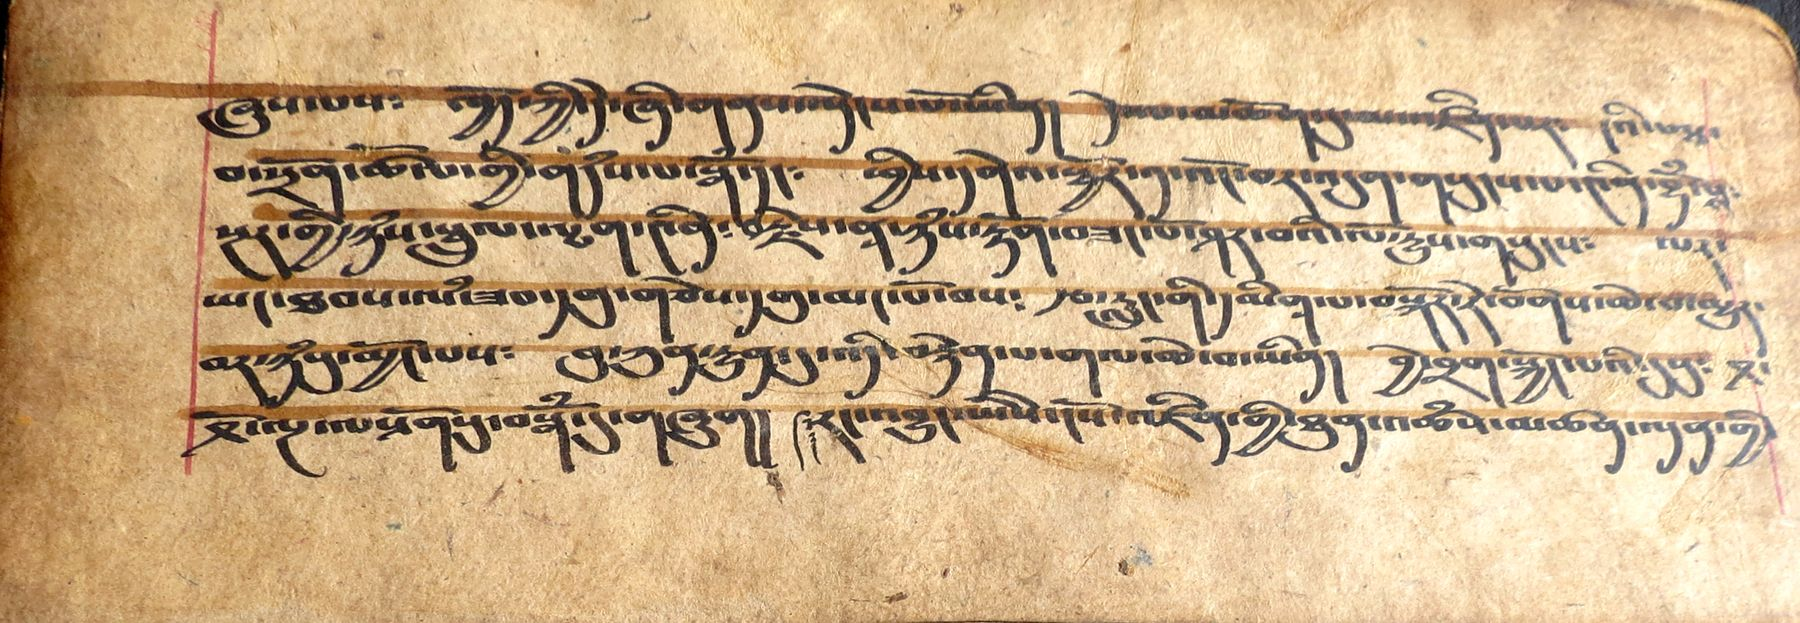ཞུས་པས། ཁྱོད་ཀྱི་དེ་ཞི་གནས་ལྡེངས་པོ་བྱ་བ་ཡིན། དེ་ལ་མཆོག་ཏུ་མ་འཛིན་པར་ངའི་ཨ་
བ་སྲོག་རྩོལ་གྱི་གདམས་པ་སྒོམས་དང་། ཕྱིས་དགེ་སྦྱོར་ཞིག་ཡོང་བར་འདུག གསུངས་པ་བཞིན་བསྒོམས་པས། 
སྔར་གྱི་ཉམས་རྣམས་སྦྲུལ་ལྤགས་བཞིན་བརྗེས་ནས་ཉམས་རྟོགས་བཟང་པོ་ཤར་བའི་ལོ་རྒྱུས་གསུངས་སོ། ། ལར་
ཡང་ཐབས་ཟབ་དགུ། གཅེས་དགུ་མང་པོ་བས། རྩ་རླུང་གི་དམིགས་པ་སྐོར་རེ་བོགས་ཆེ་བ་མྱུར་
བར་ཉམས་སུ་མྱངས་པས། བུ་ཀུན་རྒྱུན་དུ་འདི་བསྟེན་པ་གལ་ཆེ་བ་ཡིན། བྱེ་བྲག་འདི་སྐྱོང་བའི་དུས་སུ་
བཅུ་བཅོ་ལྔ་ལ་སོགས་སུ་སྒོམ་དུ་གཞུག རང་འབྱུང་ཡེ་ཤེས་ངོས་འཛིན་གྱི་ཐུན་མཚམས་མཚན་ལྡན་གྱི་